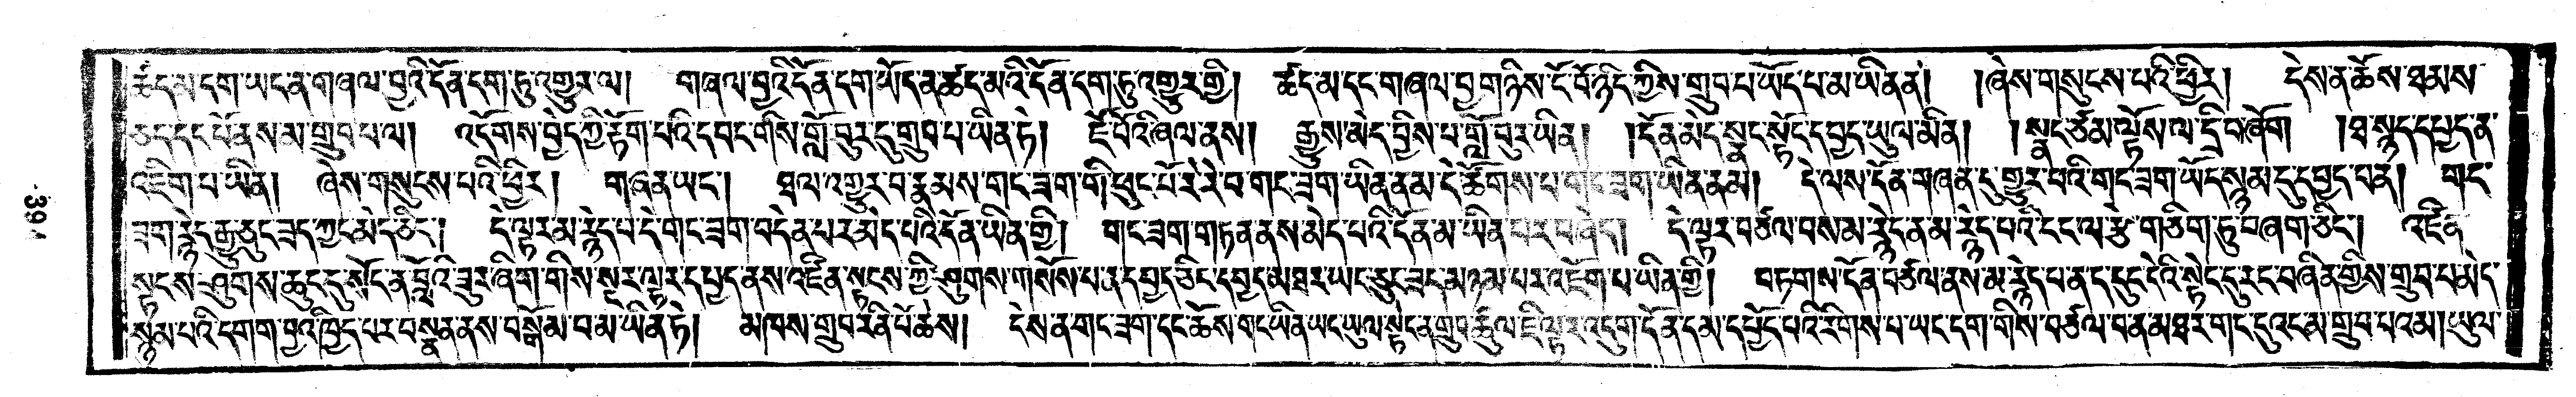ཚད་མ་དག་ཡང་ན་གཞལ་བྱའི་དོན་དག་ཏུ་འགྱུར་ལ། གཞལ་བྱའི་དོན་དག་ཡོད་ན་ཚད་མའི་དོན་དག་ཏུ་འགྱུར་གྱི། ཚད་མ་དང་གཞལ་བྱ་གཉིས་ངོ་བོ་ཉིད་ཀྱིས་གྲུབ་པ་ཡོད་པ་མ་ཡིན་ན། །ཞེས་གསུངས་པའི་ཕྱིར། དེས་ན་ཆོས་ཐམས་
ཅད་དང་པོ་ནས་མ་གྲུབ་པ་ལ། འདོགས་བྱེད་ཀྱི་རྟོག་པའི་དབང་གིས་གློ་བུར་དུ་གྲུབ་པ་ཡིན་ཏེ། ཇོ་བོའི་ཞལ་ནས། རྒྱུས་མེད་བྱིས་པ་གློ་བུར་ཡིན། །དོན་མེད་སྣང་སྟོང་དབྱད་ཡུལ་མིན། །སྣང་ཙམ་ལྟོས་ལ་དྲི་བ་ཞོག །ཐ་སྙད་དཔྱད་ན་
འཇིག་པ་ཡིན། ཞེས་གསུངས་པའི་ཕྱིར། གཞན་ཡང་། ཐལ་འགྱུར་བ་རྣམས་གང་ཟག་གི་ཕུང་པོ་རེ་རེ་བ་གང་ཟག་ཡིན་ནམ་དེ་ཚོགས་པ་གང་ཟག་ཡིན་ནམ། དེ་ལས་དོན་གཞན་དུ་གྱུར་བའི་གང་ཟག་ཡོད་སྙམ་དུ་དཔྱད་པ་ན། གང་
ཟག་རྙེད་རྒྱུ་ཅུང་ཟད་ཀྱང་མེད་ཅིང་། དེ་ལྟར་མ་རྙེད་པ་དེ་གང་ཟག་བདེན་པར་མེད་པའི་དོན་ཡིན་གྱི། གང་ཟག་གཏན་ནས་མེད་པའི་དོན་མ་ཡིན་པར་བཞེད། དེ་ལྟར་བཙལ་བསམ་རྙེད་ན་མ་རྙེད་པའི་རང་ལ་རྩེ་གཅིག་ཏུ་བཞག་ཅིང་། འཛིན་
སྟངས་ཤུགས་ཆུང་དུ་སོང་ན་བློའི་ཟུར་ཞིག་གིས་སྔར་ལྟར་དཔྱད་ནས་འཛིན་སྟངས་ཀྱི་ཤུགས་ལ་གསོས་པ་ན་དཔྱད་ཅིང་དཔྱད་མཐར་ཡང་ཅུང་ཟད་མཉམ་པར་འཇོག་པ་ཡིན་གྱི། བཏགས་དོན་བཙལ་ནས་མ་རྙེད་པ་ན་ད་དུང་དེའི་སྟེང་དུ་རང་བཞིན་གྱིས་གྲུབ་པ་མེད་
སྙམ་པའི་དགག་བྱའི་ཁྱད་པར་བསྣན་ནས་བསྒོམ་པ་མ་ཡིན་ཏེ། མཁས་གྲུབ་རིན་པོ་ཆེས། དེས་ན་གང་ཟག་དང་ཆོས་གང་ཡིན་ཡང་ཡུལ་སྟེང་ན་གྲུབ་ཚུལ་ཇི་ལྟར་འདུག་དོན་དམ་དཔྱོད་པའི་རིགས་པ་ཡང་དག་གིས་བཙལ་བ་ན་མཐར་གང་དུའང་མ་གྲུབ་པའམ། ཡུལ་